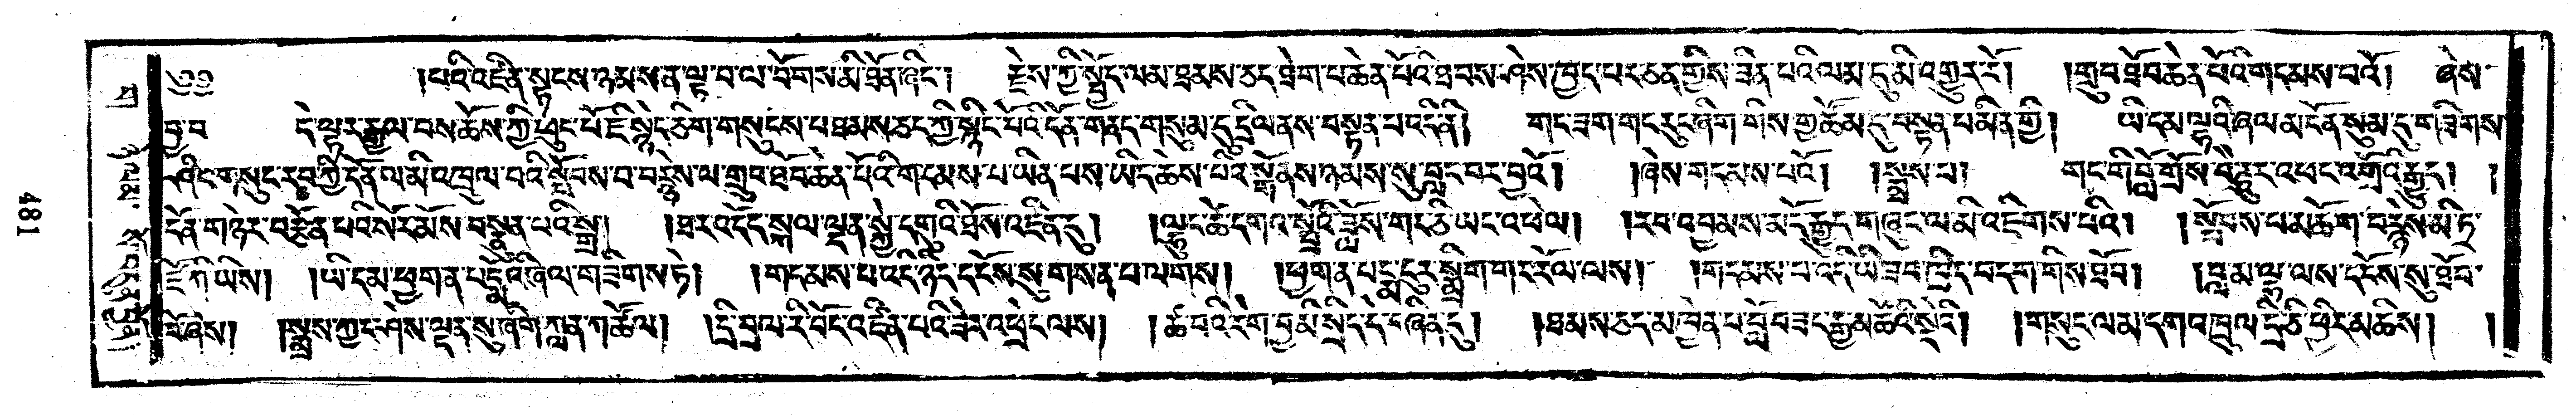༄༅། །པའི་འཛིན་སྟངས་ཉམས་ན་ལྟ་བ་ལ་བོགས་མི་ཐོན་ཞིང་། རྗེས་ཀྱི་སྤྱོད་ལམ་ཐམས་ཅད་ཐེག་པ་ཆེན་པོའི་ཐབས་ཤེས་ཁྱད་པར་ཅན་གྱིས་ཟིན་པའི་ལམ་དུ་མི་འགྱུར་རོ། །གྲུབ་ཐོབ་ཆེན་པོའི་གདམས་པའོ། ཞེས་
བྱ་བ། དེ་ལྟར་རྒྱལ་བས་ཆོས་ཀྱི་ཕུང་པོ་ཇི་སྙེད་ཅིག་གསུངས་པ་ཐམས་ཅད་ཀྱི་སྙིང་པོའི་དོན་གནད་གསུམ་དུ་དྲིལ་ནས་བསྟན་པ་འདི་ནི། གང་ཟག་གང་རུང་ཞིག་གིས་གྱ་ཚོམ་དུ་བསྟན་པ་མིན་གྱི། ཡི་དམ་ལྷའི་ཞལ་མངོན་སུམ་དུ་གཟིགས་
ཤིང་གསུང་རབ་ཀྱི་དོན་ལ་མི་འཁྲུལ་པའི་སྤོབས་བ་བརྙེས་ལ་གྲུབ་ཐོབ་ཆེན་པོའི་གདམས་པ་ཡིན་པས་ཡིད་ཆེས་པའི་སྒོ་ནས་ཉམས་སུ་བླང་བར་བྱའོ། །ཞེས་གདམས་པའོ། །སྨྲས་པ། གང་གི་བློ་གྲོས་བཻ་ཌཱུར་འཕང་འགྲོའི་རྒྱུད། །
དོན་གཉེར་བརྩོན་པའི་སོར་མོས་བསྣུན་པའི་སྒྲ། །ཐར་འདོད་སྐལ་ལྡན་སྐྱེ་དགུའི་ཐོས་འཛིན་དུ། །ལྷུང་ཚེ་དགའ་སྤྲོའི་ཟློས་གར་ཅི་ཡང་འཕེལ། །རབ་འབྱམས་མདོ་རྒྱུད་གཞུང་ལ་མི་འཇིགས་པའི། །སྤོབས་པ་མཆོག་བརྙེས་མི་ཏྲ་
ཛོ་ཀི་ཡིས། །ཡི་དམ་ཕྱག་ན་པདམོའི་ཞིལ་གཟིགས་ཏེ། །གདམས་པ་འདི་ཉིད་དངོས་སུ་གསན་པ་ལགས། །ཕྱག་ན་པདམ་དུར་སྨྲིག་གར་རོལ་ལས། །གདམས་པ་འདི་ཡི་ཟབ་ཁྲིད་བདག་གིས་ཐོབ། །བླ་མ་ལྷ་ལས་དངོས་སུ་ཐོབ་
བོ་ཞེས། །སྨྲས་ཀྱང་ཤེས་ལྡན་སུ་ཞིག་ཀླན་ཀ་ཚོལ། །དྲི་བྲལ་རི་བོང་འཛིན་པའི་ཟེར་འཕྲེང་ལས། །ཚ་བའི་རེག་བྱ་མི་སྲིད་དེ་བཞིན་དུ། །ཐམས་ཅད་མཁྱེན་པ་བློ་བཟང་རྒྱ་མཚོའི་སྡེའི། །གསུང་ལམ་དག་འཁྲུལ་དྲི་ཅི་ཕྱིར་མཆིས། །